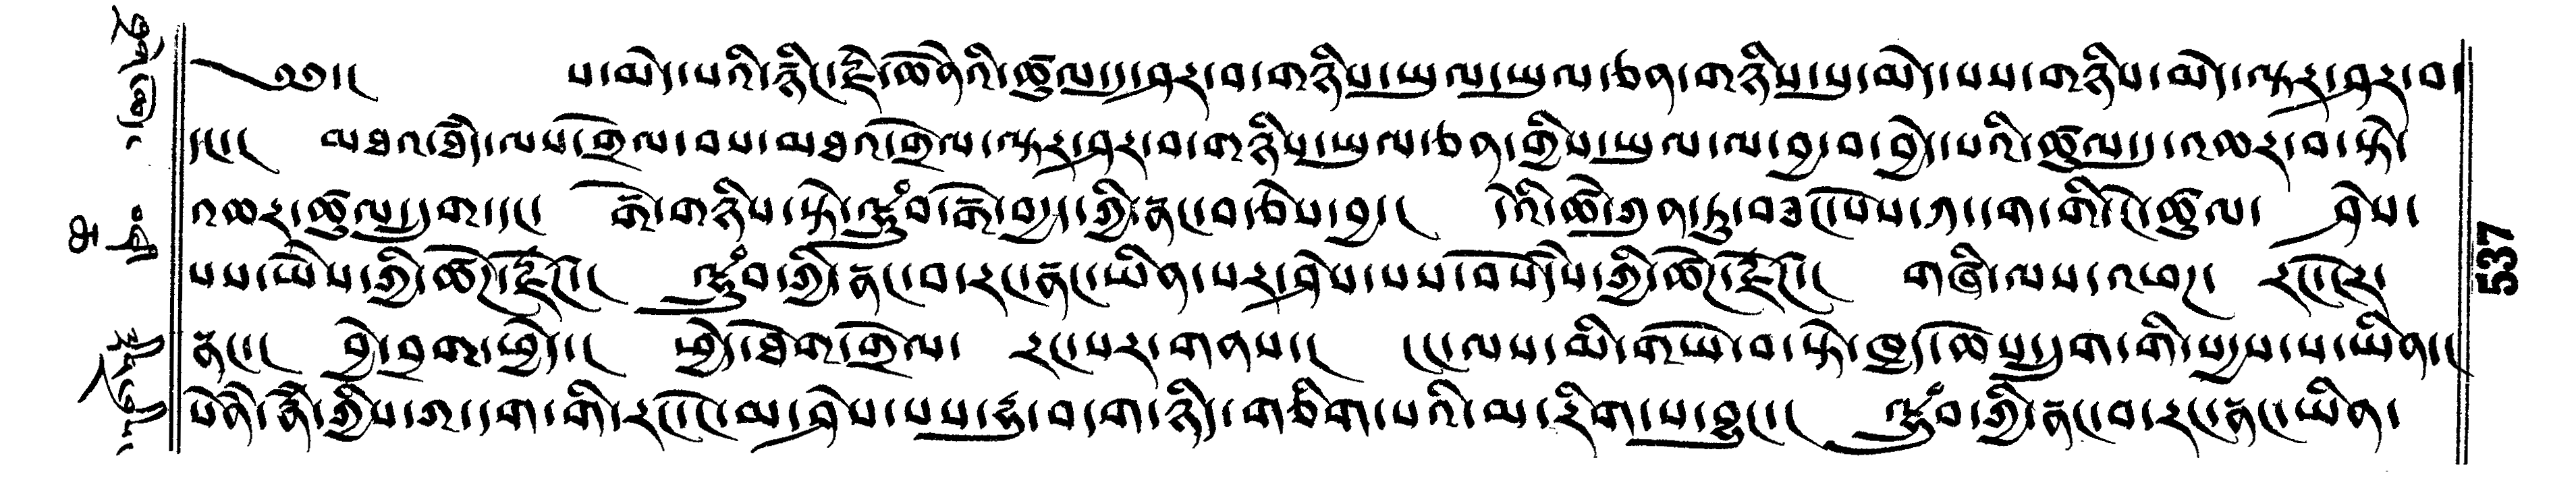པ་མེད་པའི་སྙིང་རྗེ་ཆེན་པོའི་ཚུལ་དུ་ཤར་བ་གཉིས་ཡུལ་ཡུལ་ཅན་གཉིས་སུ་མེད་པས་གཉིས་མེད་ལྟར་ཤར་བ་
དང་། མཐའ་ཐམས་ཅད་ལས་གྲོལ་བས་མཐའ་གྲོལ་ལྟར་ཤར་བ་གཉིས་ཡུལ་ཅན་གྱིས་ཡུལ་ལ་བྱ་བ་བྱེད་པའི་ཚུལ་དུ་འཆར་བ་སྟེ་
འཆར་ཚུལ་དྲུག་དང་།སྒོ་གཉིས་སྟེ་ལྷུན་གྲུབ་སྒོ་བརྒྱད་ཀྱི་སྣང་བ་ཅེས་བྱ། དེའི་ཚེ་ཀུན་ཏུ་བཟང་པོས་ཀ་དག་གི་ངོ་ཚུལ་བཞིན་ཤེས་
པས་ཡེ་ཤེས་ཀྱི་ཚོགས་རྫོགས། ལྷུན་གྲུབ་ཀྱི་སྣང་བ་རང་སྣང་ཡིན་པར་ཤེས་པས་བསོད་ནམས་ཀྱི་ཚོགས་རྫོགས། གཞི་ལས་འཕགས། རང་ངོར་
སྣང་། བྱེ་བྲག་ཕྱེད། ཕྱེད་ཐོག་གྲོལ། རང་སར་གནས། ངང་ལས་མི་གཡོ་བ་སྟེ་ཁྱད་ཆོས་དྲུག་གི་སངས་རྒྱས་པ་ཡིན། 
སེམས་ཅན་རྣམས་ཀྱིས་ཀ་དག་གི་རང་ངོ་མ་ཤེས་པས་རྒྱུ་བདག་ཉིད་གཅིག་པའི་མ་རིག་པ་བྱུང་། ལྷུན་གྲུབ་ཀྱི་སྣང་བ་རང་སྣང་ཡིན་